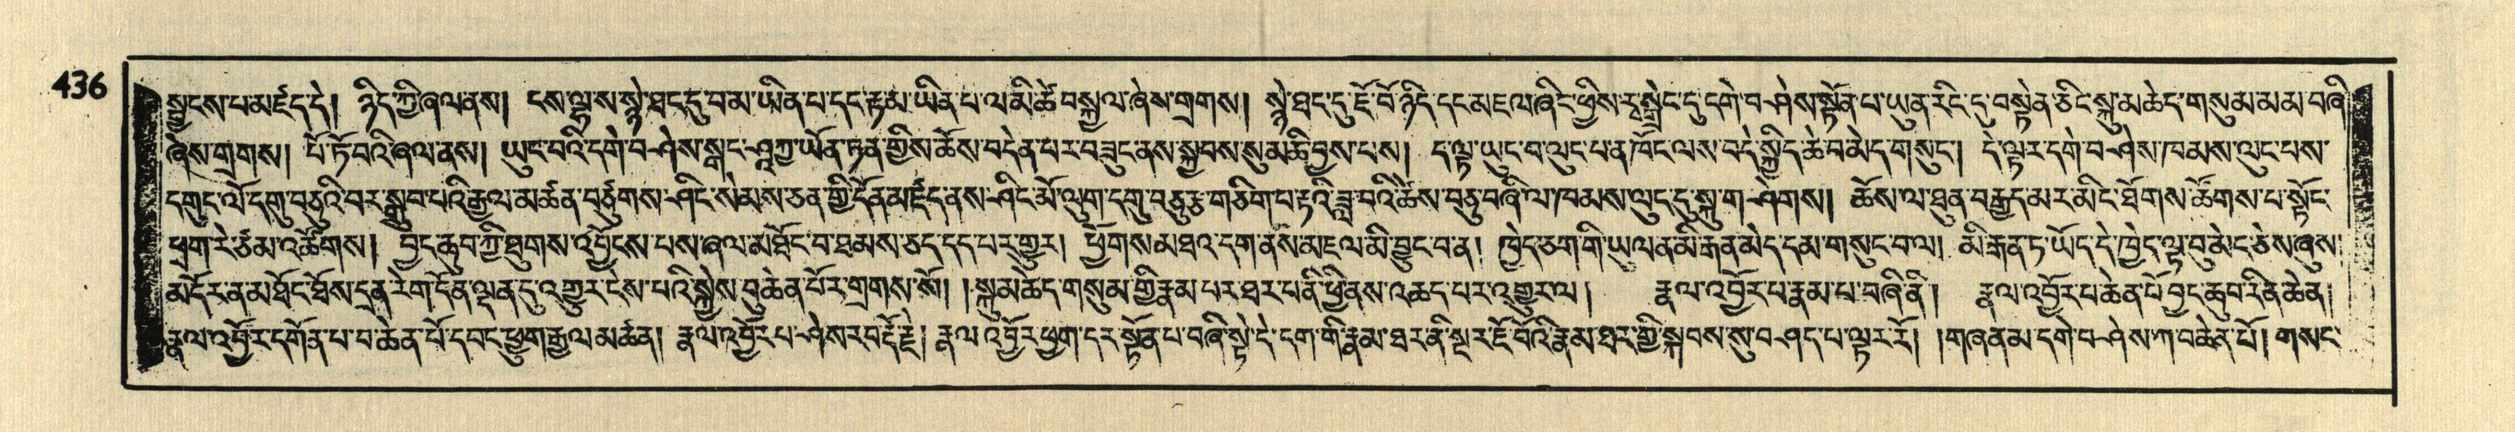སྦྱངས་པ་མཛད་དེ། ཉིད་ཀྱི་ཞལ་ནས། ངས་ལྷ་ས་སྙེ་ཐང་དུ་བ་མ་ཡིན་པ་དང་རྟ་མ་ཡིན་པ་ལ་མི་ཚེ་བསྐྱལ་ཞེས་གྲགས། སྙེ་ཐང་དུ་ཇོ་བོ་ཉིད་དང་མཇལ་ཞིང་ཕྱིས་རྭ་སྒྲེང་དུ་དགེ་བཤེས་སྟོན་པ་ཡུན་རིང་དུ་བསྟེན་ཅིང་སྐུ་མཆེད་གསུམ་མམ་བཞི་
ཞེས་གྲགས། པོ་ཏོ་བའི་ཞལ་ནས། ཡུང་བའི་དགེ་བཤེས་སྒང་ཤཱཀྱ་ཡོན་ཏན་གྱིས་ཆོས་བདེན་པར་བཟུང་ནས་སྐྱབས་སུ་མཆི་བྱས་པས། ད་ལྟ་ཡུང་བ་ལུང་པ་ན་ཁོང་ལས་བདེ་སྐྱིད་ཆེ་བ་མེད་གསུང་། དེ་ལྟར་དགེ་བཤེས་ཁམས་ལུང་པས་
དགུང་ལོ་དགུ་བཅུའི་བར་སྒྲུབ་པའི་རྒྱལ་མཚན་བཙུགས་ཤིང་སེམས་ཅན་གྱི་དོན་མཛད་ནས་ཤིང་མོ་ལུག་དགུ་བཅུ་རྩ་གཅིག་པ་རྟའི་ཟླ་བའི་ཚེ་བཅུ་བཞི་ལ་ཁམས་ལུང་དུ་སྐུ་གཤེགས། ཆོས་ལ་ཐུན་བརྒྱད་མར་མིང་ཐོགས་ཚོགས་པ་སྟོང་
ཕྲག་རེ་ཙམ་འཚོགས། བྱང་ཆུབ་ཀྱི་ཐུགས་འབྱོངས་པས་ཞལ་མཐོང་བ་ཐམས་ཅད་དད་པར་གྱུར། ཕྱོགས་མཐའ་དག་ནས་མཇལ་མི་བྱུང་བ་ན། ཁྱེད་ཅག་གི་ཡུལ་ན་མི་རྒན་མེད་དམ་གསུང་བ་ལ། མི་རྒན་ཏ་ཡོད་དེ་ཁྱེད་དུ་ལྟ་བུ་མེད་ཅེས་ཞུས་
མདོར་ན་མཐོང་ཐོས་དྲན་རེག་དོན་ལྡན་དུ་འགྱུར་ངེས་པའི་སྐྱེས་བུ་ཆེན་པོར་གྲགས་སོ། །སྐུ་མཆེད་གསུམ་གྱི་རྣམ་པར་ཐར་པ་ནི་ཕྱི་ནས་འཆད་པར་འགྱུར་ལ། རྣལ་འབྱོར་པ་རྣམ་པ་བཞི་ནི། རྣལ་འབྱོར་པ་ཆེན་པོ་བྱང་ཆུབ་རིན་ཆེན།
རྣལ་འབྱོར་དགོན་པ་བ་ཆེན་པོ་དབང་ཕྱུག་རྒྱལ་མཚན། རྣལ་འབྱོར་པ་ཤེས་རབ་རྡོ་རྗེ། རྣལ་འབྱོར་ཕྱག་དང་སྟོན་པ་བཞི་སྟེ་དེ་དག་གི་རྣམ་ཐར་ནི་སྔར་ཇོ་བོའི་རྣམ་ཐར་གྱི་སྐབས་སུ་བཤད་པ་ལྟར་རོ། །གཞན་མ་དགེ་པ་ཤེས་ཀ་བ་ཆེན་པོ། གསང་